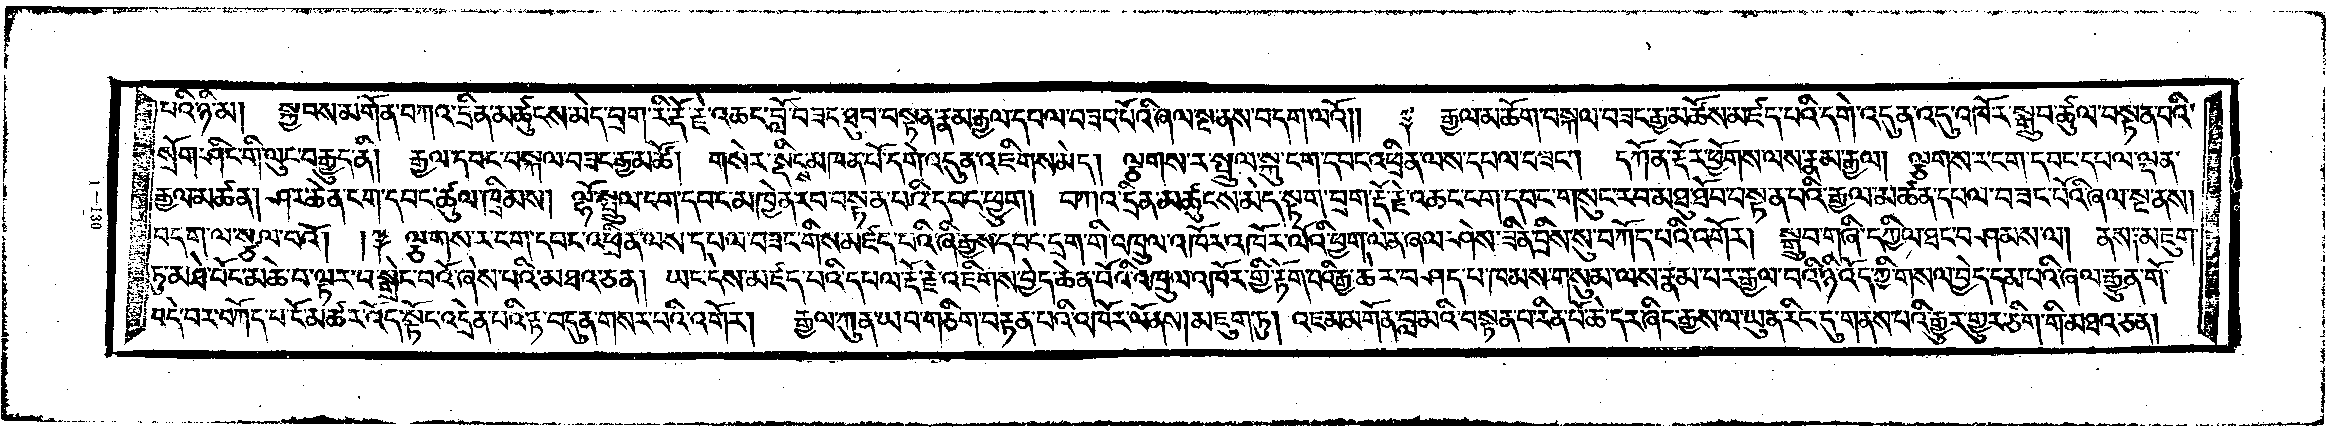པའི་ཉི་མ། སྐྱབས་མགོན་བཀའ་དྲིན་མཚུངས་མེད་བྲག་རི་རྡོ་རྗེ་འཆང་བློ་བཟང་ཐུབ་བསྟན་རྣམ་རྒྱལ་དཔལ་བཟང་པོའི་ཞལ་སྔ་ནས་བདག་ལའོ།། ༈ རྒྱལ་མཆོག་བསྐལ་བཟང་རྒྱ་མཚོས་མཛད་པའི་དགེ་འདུན་འདུ་འཁོར་སྒྲུབ་ཚུལ་བསྟན་པའི་
སྲོག་ཤིང་གི་ལུང་བརྒྱུད་ནི། རྒྱལ་དབང་བསྐལ་བཟང་རྒྱ་མཚོ། གསེར་སྡིངས་མཁན་པོ་དགེ་འདུན་འཇིགས་མེད། ལྕགས་ར་སྤྲུལ་སྐུ་ངག་དབང་འཕྲིན་ལས་དཔལ་བཟང་། དཀོན་རྡོར་ཕྱོགས་ལས་རྣམ་རྒྱལ། ལྕགས་ར་ངག་དབང་དཔལ་ལྡན་
རྒྱལ་མཚན། ཤར་ཆེན་ངག་དབང་ཚུལ་ཁྲིམས། ལྷོ་སྤྲུལ་ངག་དབང་མཁྱེན་རབ་བསྟན་པའི་དབང་ཕྱུག །བཀའ་དྲིན་མཚུངས་མེད་སྟག་བྲག་རྡོ་རྗེ་འཆང་ངག་དབང་གསུང་རབ་མཐུ་ཐོབ་བསྟན་པའི་རྒྱལ་མཚན་དཔལ་བཟང་པོའི་ཞལ་སྔ་ནས།
བདག་ལ་སྩལ་བའོ། །༈ ལྕགས་ར་ངག་དབང་འཕྲིན་ལས་དཔལ་བཟང་གིས་མཛད་པའི་ཞི་རྒྱས་དབང་དྲག་གི་འཁྲུལ་འཁོར་འཁོར་ལོའི་ཕྱག་ལེན་ཞལ་ཤེས་ཟིན་བྲིས་སུ་བཀོད་པའི་འགོར། སྒྲུབ་གཞི་དཀྱིལ་ཐང་བཤམས་ལ། ནས༑ མཇུག་
ཏུ་མཐེ་བོང་མཆེ་བ་ལྟར་བ་སྒྲེང་བའོ་ཞེས་པའི་མཐའ་ཅན། ཡང་དེས་མཛད་པའི་དཔལ་རྡོ་རྗེ་འཇིགས་བྱེད་ཆེན་པོའི་འཁྲུལ་འཁོར་གྱི་རྟོག་བའི་རྒྱ་ཆེར་བཤད་པ་ཁམས་གསུམ་ལས་རྣམ་པར་རྒྱལ་བའི་ཉི་འོད་ཀྱི་གསལ་བྱེད་དམ་པའི་ཞལ་རྒྱུན་གོ་
བདེ་བར་བཀོད་པ་ངོ་མཚར་འོད་སྟོང་འདྲེན་པའི་རྟ་བདུན་གསར་བའི་འགོར། རྒྱལ་ཀུན་ཡབ་གཅིག་བརྟན་པའི་འཁོར་ལོ་ནས། མཇུག་ཏུ། འཇམ་མགོན་བླ་མའི་བསྟན་པ་རིན་པོ་ཆེ་དར་ཞིང་རྒྱས་ལ་ཡུན་རིང་དུ་གནས་པའི་རྒྱུར་གྱུར་ཅིག་གི་མཐའ་ཅན།